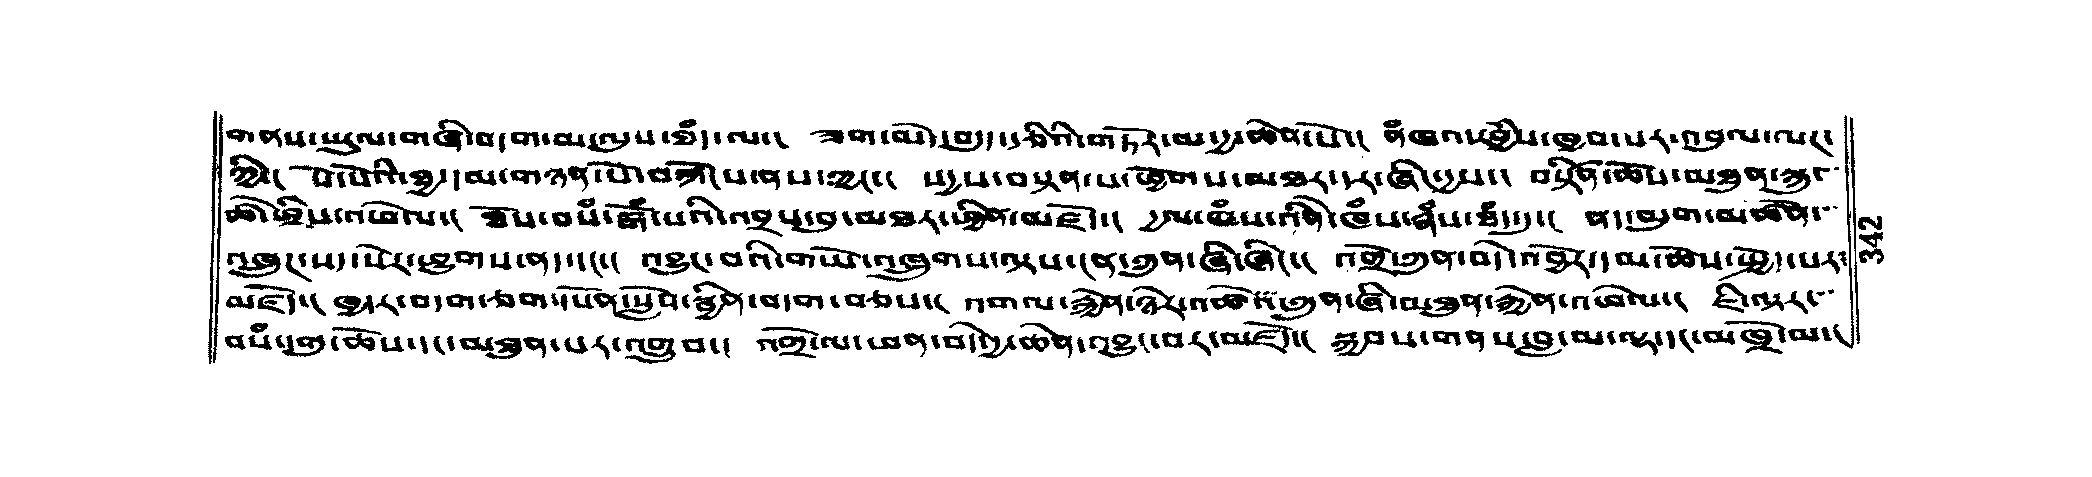གནས་ཡུལ་གཞི་བདགམ་ལུས་ཐམས་ཅད་ལ། །ཟག་མེ་དབདུད་རྩིའི་གཏོར་མ་རྒྱ་ཆེན་པོ། །ནམ་མཁའ་རབ་འབྱམས་ཁྱབ་པར་འབུལ་ལགས་
ཀྱི། །སོ་སོའི་ཐུགས་དམ་གཉན་པོ་བསྐངས་ནས་ཀྱང་། །སངས་རྒྱས་བསྟན་པ་ཕྱོགས་མཐར་དར་ཞིང་རྒྱས། །བསྟན་འཛིན་ཆོས་མཐུན་སྐུ་
ཚེ་ཕྲིན་ལས་འཕེལ། །ཐོས་བསམ་སྒོམ་པའི་འབྲས་བུ་མཐར་ཕྱིན་མཛོད། །རྒྱལ་ཁམས་འཇིག་རྟེན་ཁམས་རྣམས་ཐམས་ཅད་དུ། །ནད་མུག་མཚོན་
འཁྲུགས་སད་སེར་ཕྱུགས་ནད་དང་། འབྱུང་བའི་གཡོ་འཁྲུག་ལྟས་ངན་ཀུན་ཞི་ཞིང་།།འགྲོ་ཀུན་བདེ་འབྱོར་དམ་ཆོས་སྤྱོད་པར་
མཛོད། །ཁྱད་པར་བདག་ཅག་དཔོན་སློབ་སྦྱིན་བདག་བཅས། །འགལ་རྐྱེན་ཉེར་འཚོའི་ཀུན་གཞི་མཐུན་རྐྱེན་འཕེལ། །ཇི་ལྟར་
བསམ་དགུ་ཆོས་དང་མཐུན་པར་འགྲུབ། །འགྲོ་ལ་ཕན་བདེ་རྒྱ་ཆེར་འབྱུང་བར་མཛོད། །སྐྱབས་གནས་བླ་མ་ལྷ་དང་མཁའ་འགྲོ་མ། །